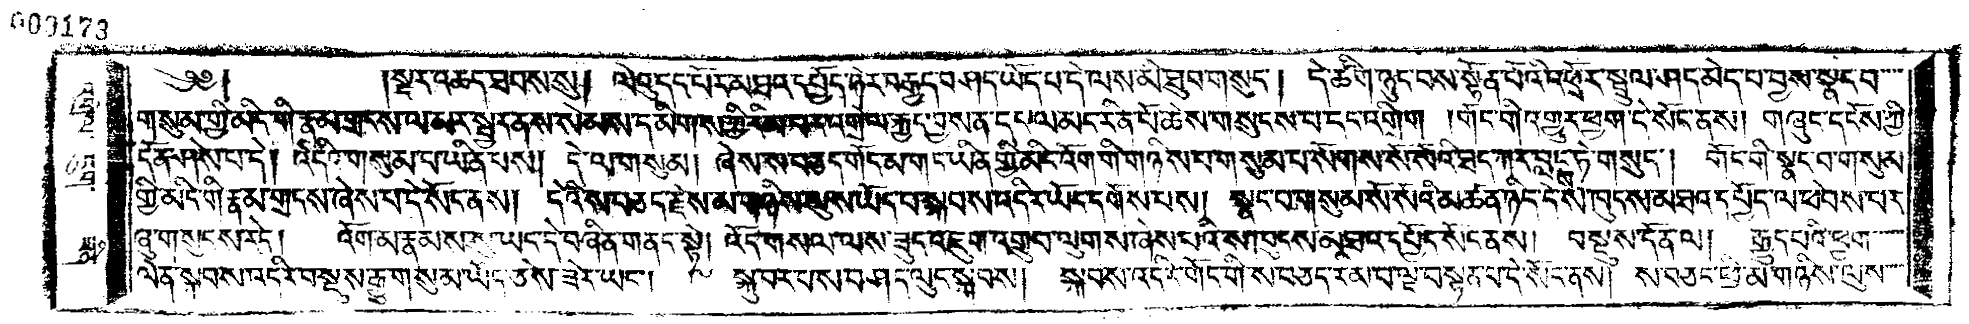༄༅། །སྔར་འཆད་ཐབས་སུ། ལེའུ་དང་པོར་མཐའ་དཔྱོད་ཉེར་བརྒྱད་བཤད་ཡོད་པ་དེ་ལས་མི་ཐུབ་གསུང་། དེ་ཚིག་ཉུང་བས་སྟོན་པོའི་འཕྲོར་སྤྲུལ་ཤད་མེད་པ་བྱས་སྣང་བ་
གསུམ་གྱི་མིང་གི་རྣམ་གྲངས་ལ་མར་སྦྱར་ནས་སེམས་དམིགས་ཀྱི་རིམ་པར་འགྲེལ་རྐྱང་བྱས་ན་དཔལ་མང་རིན་པོ་ཆེས་གསུངས་པ་དང་འགྲིག །གོང་གི་འགྱུར་ཕྱག་དེ་སོང་ནས། གཞུང་དངོས་ཀྱི་
དོན་ཤེས་པ་དེ། འདིའི་གསུམ་པ་ཡིན་པས། དེ་ལ་གསུམ། ཞེས་ས་བཅད་གོང་མ་གང་ཡིན་གྱི་མིང་འོག་གི་གཉིས་པ་གསུམ་པ་སོགས་སོ་སོའི་ཐད་ཀར་བླངས་ཏེ་གསུང་། གོང་གི་སྣང་བ་གསུམ་
གྱི་མིང་གི་རྣམ་གྲངས་ཞེས་པ་དེ་སོང་ནས། དེའི་ས་བཅད་རྗེས་མ་གཉིས་ལུས་ཡོད་པ་སྐབས་འདིར་ཡོང་དགོས་པས། སྣང་བ་གསུམ་སོ་སོའི་མཚན་ཉིད་དེས་ཁུངས་མཐའ་དཔྱོད་ལ་ཕེབས་པར་
ཞུ་གསུངས་རེད། འོག་མ་རྣམས་སུ་ཡང་དེ་བཞིན་གནང་སྟེ། འོད་གསལ་ལས་ཟུང་འཇུག་འགྲུབ་ལུགས་ཞེས་པའི་ས་ཁུངས་མཐའ་དཔྱོད་སོང་ནས། བསྡུས་དོན་ལ། རྒྱུད་པའི་ཕྱག་
ལེན་སྐབས་འདིར་བསྡུས་རྒྱུ་གསུམ་ཡོད་ཅེས་ཟེར་ཡང་། ༧་སྐུ་བར་པས་བཤད་ལུང་སྐབས། སྐབས་འདིར་གོང་གི་ས་བཅད་རིམ་པ་ལྔ་བསྟན་པ་དེ་སོང་ནས། ས་བཅད་ཕྱི་མ་གཉིས་ལུས་